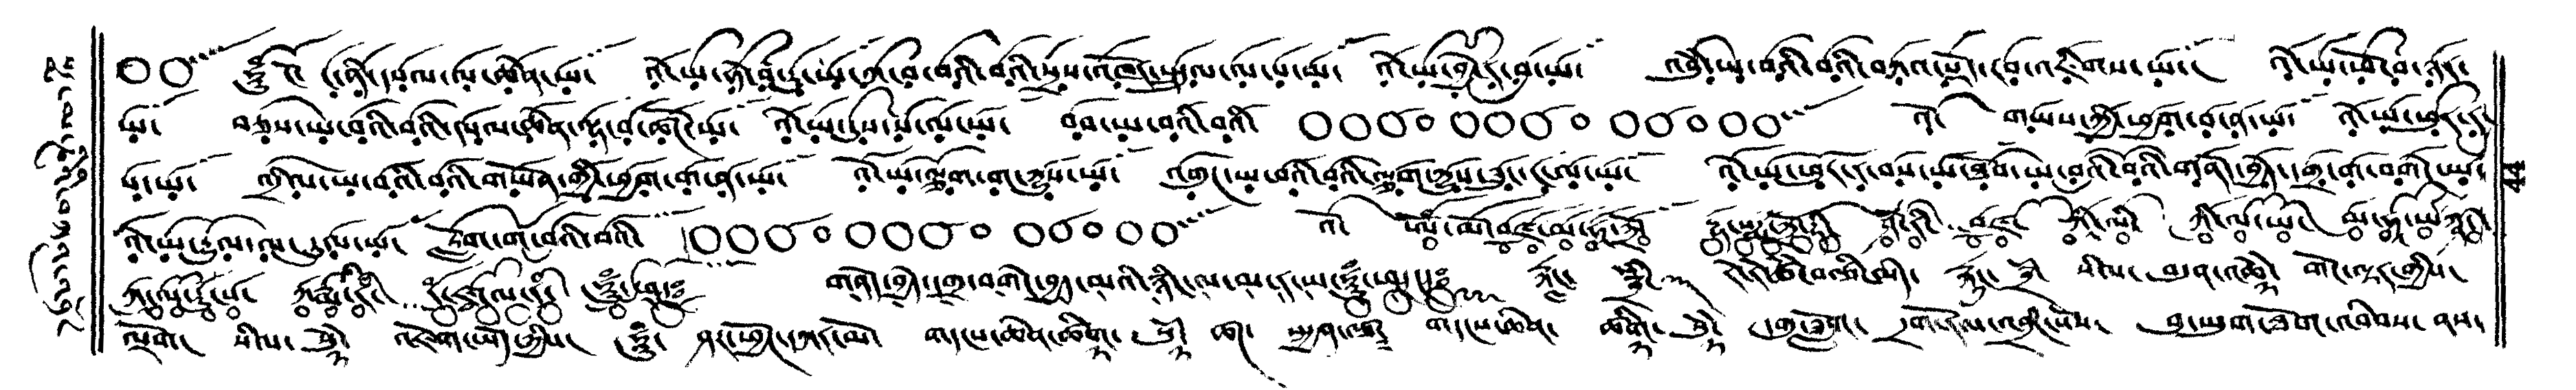ཧཱུྃཿ ངོ་ང་ནི་དཔལ་ལ་ཆེན་ཡ། འེ་ཡ་ཧེ་ན་རུ་ཡ་ཀ་བ་བའི་བའ ི་སྲས་འཁོར་སྤྲུལ་ལ་པ་ཡ ། འོ་ཡ་བྱེ་ར་བ་ཡ། འབུམ་ཡེ་བའི་བའ ི་བཀའ་སྡོད་རབ་འཇིགས་ཡ །འི་ཡ་ཕོ་བ་ཉར་
ཡ ། བཅས་ཡ་བའི་བའི་དཔལ་ཆེན་ལྷ་བ་ཚོགས་ཡ ། འི་ཡ་དུས་ས་ལ་ཡ ། བབས་ཡ་བའི་བའ ི། འོ། གཡས་ཀྱི་ཕྱག་བ་ན་ཡ ། འོ་ཡ་ཕུར་ར་བ་ཡ ། 
པ་ཡ་ འདྲིལ་ཡ་བའི་བའི་གཡོན་གྱི་ཕྱག་ག་ན་ཡ ། འོ་ཡ་ལྕགས་ག་ཀྱུས་ཡ ། འགུགས་ཡ་བའ ི་ལྕགས་ཀྱུས་ཟུངས་ང་ལ་ཡ ། འེ་ཡ་ཕུར་ར་བས་ཡ་ཐོབ་ཡེ་བའ ི་གནོད་བྱེད་དགྲ་ག་བགེགས་ཡ ། 
འེ་ཡ་རྡུལ་ལ ། དུལ་ཡ ། རློག་ག་བའི་བའ ི། འོ། ཨོཾ་མོ་བཛྲ་མ་ཧ་ཀྲོ དྷ་པདྨ་ཀྲཽ་དྷི། ཤོ་རེ། བཛྲ། ཀི་ལི། ཀི་ལ་ཡ། མ་ཧཱ་ཡཀྵ། 
ཀཱ་ལ་རུ་པ། ཀརྨ་རཾ། ར་ཛྭ་ལ་རཾ། ཧཱུྃ་ཕཊ། གནོད་བྱེད་དགྲ་བགེགས་བྱད་མའི་སྙིང་ལ་མ་ར་ཡ་ཧཱུྃ་ཕཊ། རྐང་བཞི། སྦྲམ། རེ་རེ་ཙ་བ་རྩེ་མེད། རྐང་གཅིག སྦྲམ། སིལ། བདུན་འཆམ་གཉིས། གོང་ལྟར་གྱིས་
ལྡོག སིལ། སུམ་གཉིས། འཇོག་ཡོད་ཀྱིས། ཧཱུྃཿ ཤར་ཕྱོགས་དཀར་མོ༴ གདངས་ཆེན་ཚིག་གཉིས། སུམ་གཉིས། ཚགས། སྤྱན་རྩ༴ གདངས་ཆེན། ཚིག་གཉིས། སུམ་གཉིས། དགུ་ཟློག དྲག་རོལ་འབྲིང་པོས། བུ་ཡུག་ཐོག་འབིབས་ནས་